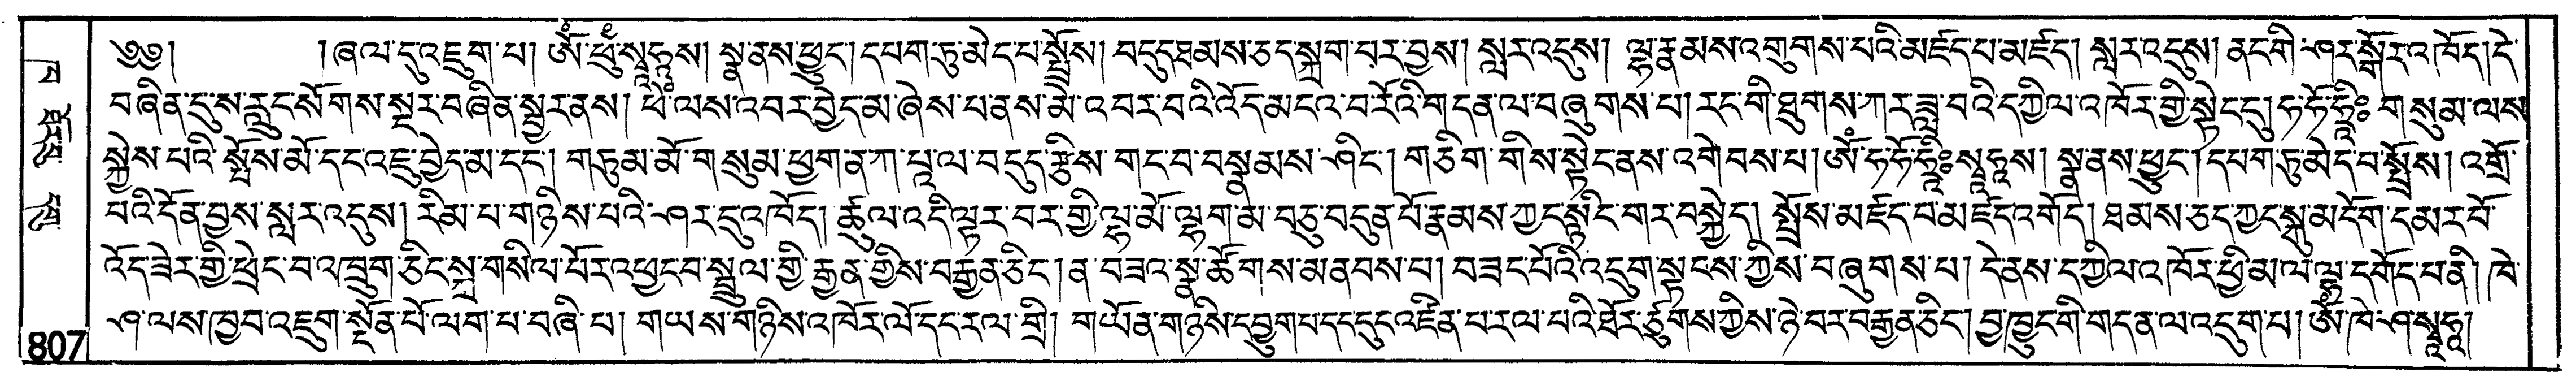༄༅། །ཞལ་དུ་འཇུག་པ། ཨོཾ་ཕུཾ་སྭཱཧཱས། སྣ་ནས་ཕྱུང་། དཔག་ཏུ་མེད་པ་སྤྲོས། བདུད་ཐམས་ཅད་སྐྲག་པར་བྱས། སླར་འདུས། ལྷ་རྣམས་འགུགས་པའི་མཛད་པ་མཛད། སླར་འདུས། ནང་གི་ཤར་སྒོར་འཁོད། དེ་
བཞིན་དུ་ས་རླུང་སོགས་སྔར་བཞིན་སྦྱར་ནས། ཕེཾ་ལས་འབར་བྱེད་མ་ཞེས་པ་ནས་མེ་འབར་བའི་འོད་མངའ་བ་རོའི་གདན་ལ་བཞུགས་པ། རང་གི་ཐུགས་ཀར་ཟླ་བའི་དཀྱིལ་འཁོར་གྱི་སྟེང་དུ། ཧ་ཧོ་ཧྲཱིཿ གསུམ་ལས་
སྐྱེས་པའི་སྤོས་མོ་དང་འཇུ་བྱེད་མ་དང་། གཏུམ་མོ་གསུམ་ཕྱག་ན་ཀ་པཱ་ལ་བདུད་རྩིས་གང་བ་བསྣམས་ཤིང་། གཅིག་གིས་སྟེང་ནས་འགེབས་པ། ཨོཾ་ཧ་ཧོ་ཧྲཱིཿ སྭཱཧཱས། སྣ་ནས་ཕྱུང་། དཔག་ཏུ་མེད་པ་སྤྲོས། འགྲོ་
པའི་དོན་བྱས་སླར་འདུས། རིམ་པ་གཉིས་པའི་ཤར་དུ་འཁོད། ཚུལ་འདི་ལྟར་བར་གྱི་ལྷ་མོ་ལྷག་མ་བཅུ་བདུན་པོ་རྣམས་ཀྱང་སྙིང་གར་བསྐྱེད། སྤྲོས་མཛད་པ་མཛད་འགོད། ཐམས་ཅད་ཀྱང་སྐུ་མདོག་དམར་པོ་
འོད་ཟེར་གྱི་ཕྲེང་བ་འཁྲུག་ཅིང་སྐྲ་གསིལ་པོར་འཕྱང་བ་སྦྲུལ་གྱི་རྒྱན་གྱིས་བརྒྱན་ཅིང་། ན་བཟའ་སྣ་ཚོགས་མནབས་པ། བཟང་པོའི་འདུག་སྟངས་ཀྱིས་བཞུགས་པ། དེ་ནས་དཀྱིལ་འཁོར་ཕྱི་མ་ལ་ལྷ་དགོད་པ་ནི། ཁེ་
ཤ་ལས་ཁྱབ་འཇུག་སྔོན་པོ་ལག་པ་བཞི་པ། གཡས་གཉིས་འཁོར་ལོ་དང་རལ་གྲི། གཡོན་གཉིས་དབྱུག་པ་དང་དུང་འཛིན་པ་རལ་པའི་ཐོར་ཙུགས་ཀྱིས་ཉེ་བར་བརྒྱན་ཅིང་། བྱ་ཁྱུང་གི་གདན་ལ་འདུག་པ། ཨོཾ་ཁེ་ཤ་སྭཱཧཱ།